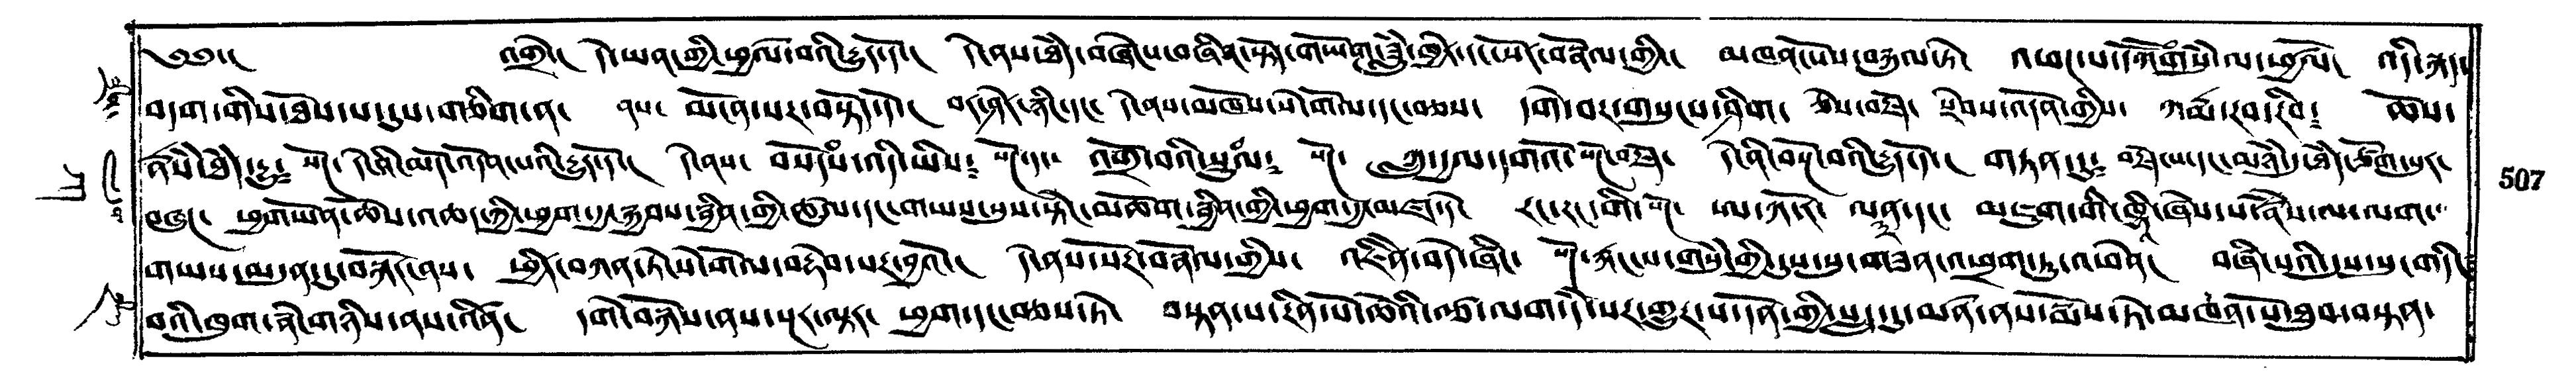འགྲེ། དེ་ཡན་གྱི་ཕྱག་འཚལ་བའི་རྒྱུད་དོ།། དེ་ནས་ཐམས་ཅད་བཞེངས་བཞིན་སྟོད་གཡོགས་ཟླུམ་ཁྱེར་དང་སོར་བསྣོལ་གྱི། མཁན་པོས་བསྐུལ་ཏེ། འཕགས་པ་དཀོན་མཆོག་གསུམ་ལ་ཕྱག་འཚལ་ལོ།། འདི་སྐད་
བདག་གིས་ཐོས་པ་དུས་གཅིག་ན། ནས་མངོན་པར་བསྟོད་དོ།། བར་ཤེར་སྙིང་དང་། དེ་ནས་མཁན་པོས་སེ་གོལ་དང་བཅས། དགེ་བར་གསུངས་ཤིག ཅེས་བརྗོད། སྡེབས་འདོན་གྱིས། སྐར་མ་རབ་རིབ༴ ཆོས་
རྣམས་ཐམས་ཅད་རྒྱུ༴ སོགས། དེ་ནི་མདོ་འདོན་པའི་རྒྱུད་དོ། ། དེ་ནས་བསོད་ནམས་འདི་ཡིས་སོགས་དང་། འགྲོ་བའི་སྡུག་བསྔལ་སོགས། ཀླུ་རྒྱལ་དགའོ་སོགས་བརྗོད། དེ་ནི་བསྔོ་བའི་རྒྱུད་དོ། ། གཏན་དུ༴ བརྗོད་པ་དང་མཉམ་དུ་ཐམས་ཅད་ཙོག་པུར་
བཞུགས། ཕྱག་གཡོན་ཆོས་འཆད་ཀྱི་ཕྱག་རྒྱ་སྐྱབས་སྦྱིན་གྱི་ཚུལ་དང་གཡས་པུས་སྟེང་མཆོག་སྦྱིན་གྱི་ཕྱག་རྒྱ་མཛད་དེ། རང་རང་གི་སོགས། ཨ་ཀ་རོ༴ ལན་གསུམ་དང་། མཇུག་གི་ཁཱ་ཧི་ཞེས་པ་རྣམས་ལ་ལག་
གཡས་མདུན་དུ་བསྐོར་ནས། ཕྱིར་བཀན་ཏེ་སེ་གོལ་བརྡེབ་པར་བྱའོ།། དེ་ནས་སོར་བསྣོལ་གྱིས། འཇིག་རྟེན་བདེ་ཞིང་སོགས་རྐང་པ་གསུམ་གྱི་དུས་སུ་གཟན་ཕྲག་ཏུ་འཕེན། བཞི་པའི་དུས་སུ་གདིང་
བའི་ཁུག་སྣེ་གཉིས་ནས་འཛིན། དགེ་སྐོས་ནས་སྔར་ལྟར་ཕྱག་དང་བཅས་ཏེ། བསྟན་པ་རིན་པོ་ཆེའི་རྩ་ལག་དམ་པར་གྱུར་པ་དོན་གྱི་སླད་དུ་མཚན་ནས་སྨོས་ཏེ་མཁན་པོ་ཐུབ་བསྟན༴